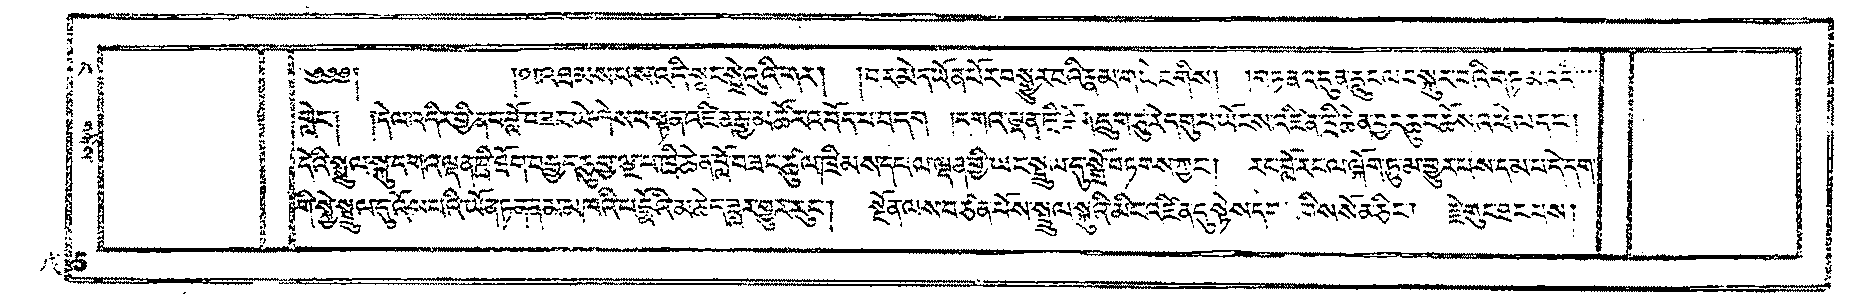༄༅༅། །ལ་འཐམས་པས་འདི་སྣང་སྤྲེའུའི་གར། །བར་མེད་ཡོན་པོར་བསྒྱུར་བའི་རྣམ་གཡེང་གིས། །གཏན་འདུན་རླུང་ལ་བསྐུར་བའི་གཏམ་འདི་
གླེང་། །དེ་ལ་འདིར་གྱི་ན་པ་བློ་བཟང་ཡེ་ཤེས་བསྟན་འཛིན་རྒྱ་མཚོར་འབོད་པ་བདག །དགའ་ལྡན་ཁྲི་ཐོག་དྲུག་ཅུ་རེ་དགུ་པ་ཡོངས་འཛིན་ཁྲི་ཆེན་བྱང་ཆུབ་ཆོས་འཕེལ་དང་།
དེའི་སྤྲུལ་སྐུ་དགའ་ལྡན་ཁྲི་ཐོག་བརྒྱད་ཅུ་གྱ་ལྔ་པ་ཁྲི་ཆེན་བློ་བཟང་ཚུལ་ཁྲིམས་དཔལ་ལྡན་གྱི་ཡང་སྤྲུལ་དུ་སྒྲོ་བཏགས་ཀྱང་། རང་བློ་རང་ལ་ལྐོག་ཏུ་མ་གྱུར་པས་དམ་པ་དེ་དག་
གི་སྐྱེ་སྤྲུལ་དུ་འོས་པའི་ཡོན་ཏན་ནམ་མཁའི་པདམོའི་མཆེད་ཟླར་གྱུར་རུང་། སྔོན་ལས་བཙན་པོས་སྤྲུལ་སྐུའི་མིང་འཛིན་དུ་སྟེས་དབང་གིས་སོན་ཅིང་། རྗེ་གུང་ཐང་པས།